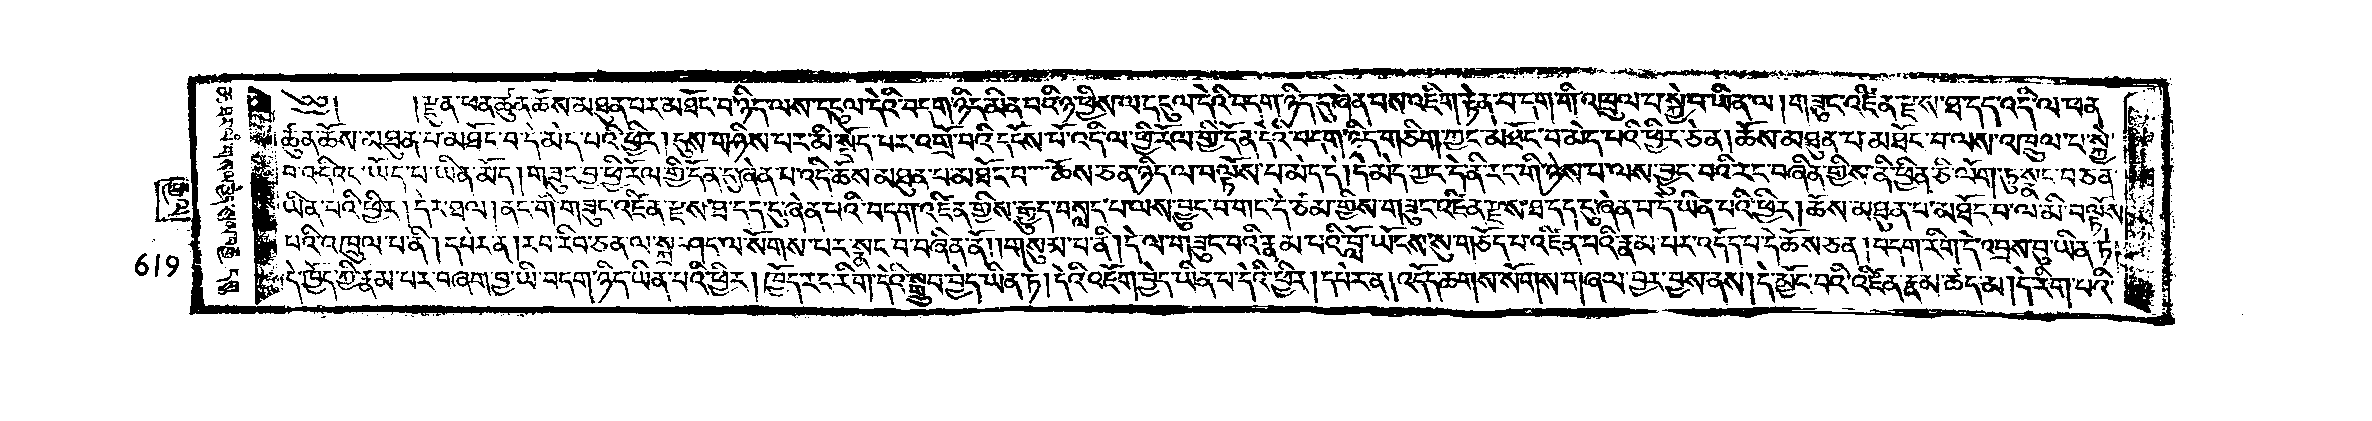༄༅། །རྫུན་ཕན་ཚུན་ཆོས་མཐུན་པར་མཐོང་བ་ཉིད་ལས་དངུལ་དེའི་བདག་ཉིད་མིན་པའི་ཉ་ཕྱིས་ལ་དངུལ་དེའི་བདག་ཉིད་དུ་ཞེན་པས་འཇིག་རྟེན་པ་དག་གི་འཁྲུལ་པ་སྐྱེ་བ་ཡིན་ལ། གཟུང་འཛིན་རྫས་ཐ་དད་འདི་ལ་ཕན་
ཚུན་ཆོས་མཐུན་པ་མཐོང་བ་དེ་མེད་པའི་ཕྱིར། དུས་གཉིས་པར་མི་སྡོད་པར་འགྲོ་བའི་དངོས་པོ་འདི་ལ་ཕྱི་རོལ་གྱི་དོན་དེའི་བདག་ཉིད་གཅིག་ཀྱང་མཐོང་བ་མེད་པའི་ཕྱིར་ཅེ་ན། ཆོས་མཐུན་པ་མཐོང་བ་ལས་འཁྲུལ་པ་སྐྱེ་
བ་འདིའང་ཡོད་པ་ཡིན་མོད། གཟུང་བྱ་ཕྱི་རོལ་གྱི་དོན་དུ་ཞེན་པ་འདི་ཆོས་མཐུན་པ་མཐོང་བ་ཆོས་ཅན་ཉིད་ལ་བལྟོས་པ་མེད་དེ། དེ་མེད་ཀྱང་དེ་ནི་རང་གི་ཉེས་པ་ལས་བྱུང་བའི་རང་བཞིན་གྱིས་ནི་ཕྱིན་ཅི་ལོག་ཏུ་སྣང་བ་ཅན་
ཡིན་པའི་ཕྱིར། དེར་ཐལ། ནང་གི་གཟུང་འཛིན་རྫས་ཐ་དད་དུ་ཞེན་པའི་བདག་འཛིན་གྱིས་རྒྱུད་བསླད་པ་ལས་བྱུང་བ་གང་དེ་ཙམ་གྱིས་གཟུང་འཛིན་རྫས་ཐ་དད་དུ་ཞེན་པ་དེ་ཡིན་པའི་ཕྱིར། ཆོས་མཐུན་པ་མཐོང་བ་ལ་མི་བལྟོས་
པའི་འཁྲུལ་པ་ནི། དཔེར་ན། རབ་རིབ་ཅན་ལ་སྒྲ་ཤད་ལ་སོགས་པར་སྣང་བ་བཞིན་ནོ། །གསུམ་པ་ནི། དེ་ལ་གཟུང་བའི་རྣམ་པའི་བློ་ཡོངས་སུ་གཅོད་པ་འཛིན་པའི་རྣམ་པར་འདོད་པ་དེ་ཆོས་ཅན། བདག་རིག་དེ་འབྲས་བུ་ཡིན་ཏེ།
དེ་ཁྱོད་ཀྱི་རྣམ་པར་བཞག་བྱ་ཡི་བདག་ཉིད་ཡིན་པའི་ཕྱིར། ཁྱོད་རང་རིག་དེའི་སྒྲུབ་བྱེད་ཡིན་ཏེ། དེའི་འཇོག་བྱེད་ཡིན་པ་དེའི་ཕྱིར། དཔེར་ན། འདོད་ཆགས་སོགས་གཞལ་བྱར་བྱས་ནས། དེ་མྱོང་བའི་འཛིན་རྣམ་ཚད་མ། དེ་རིག་པའི་